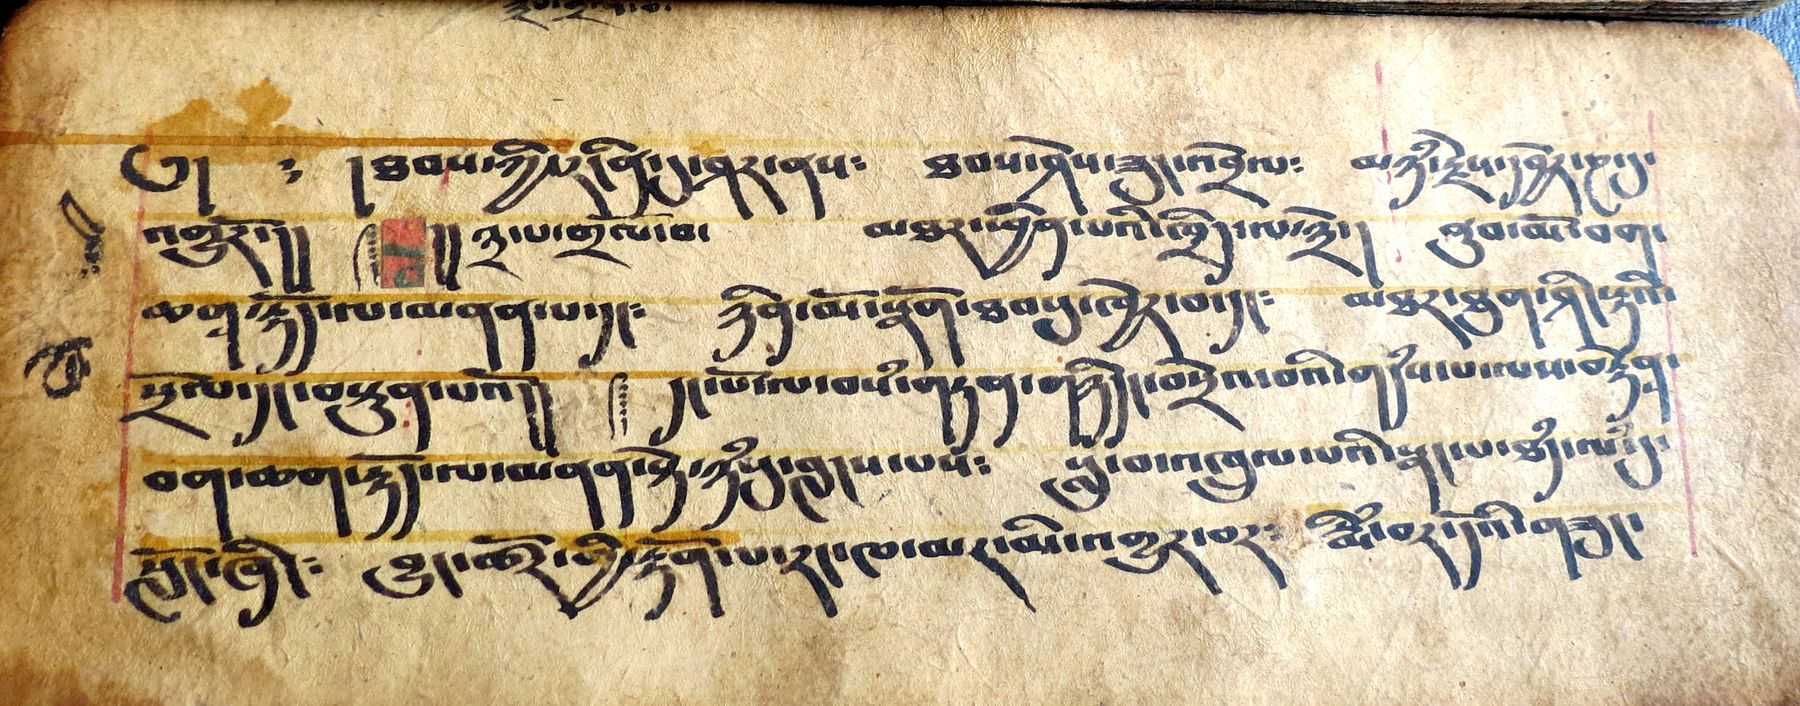ཐབས་ཀྱི་རང་བཞིན་དུ་ཤར་ནས། ཐབས་ཤེས་རབ་ཟུང་འབྲེལ། མཉམ་རྗེས་དབྱེར་མེད་དུ་
འགྱུར་རོ། ། གསུམ་པ་གྲོལ་བ་མཐར་ཕྱིན་པའི་ཁྲིད་ལ་གསུམ་སྟེ། ནུབ་མོ་བག་
ཆགས་བརྟོད་ལ་མནན་པ། ཉིན་པར་སྣ་ཚོགས་ཐབས་སུ་ཁྱེར་བ་དང་། མཐར་ཐུག་ཤིང་རྟའི་
སྲོལ་དང་བསྟུན་པའོ། ། དང་པོ་ལ། བསམ་གཏན་གཉིད་དང་བསྲེ་བའི་གདམས་པ་ལ་བརྟེན་ནས་
བག་ཆགས་རྟོད་ལ་མནན་ཏེ་ཉམས་སུ་བླངས་ནས། བསླུ་བ་འཁྲུལ་བའི་སྣང་བ་ཐམས་ཅད་ལམ་དུ་
སློང་ཤིང་། བྱུང་ཚོར་གྱི་རྟོག་པ་རང་ཁ་མར་མི་འགྱུར་བས། རྨི་ལམ་བར་དོའི་གཟུང་